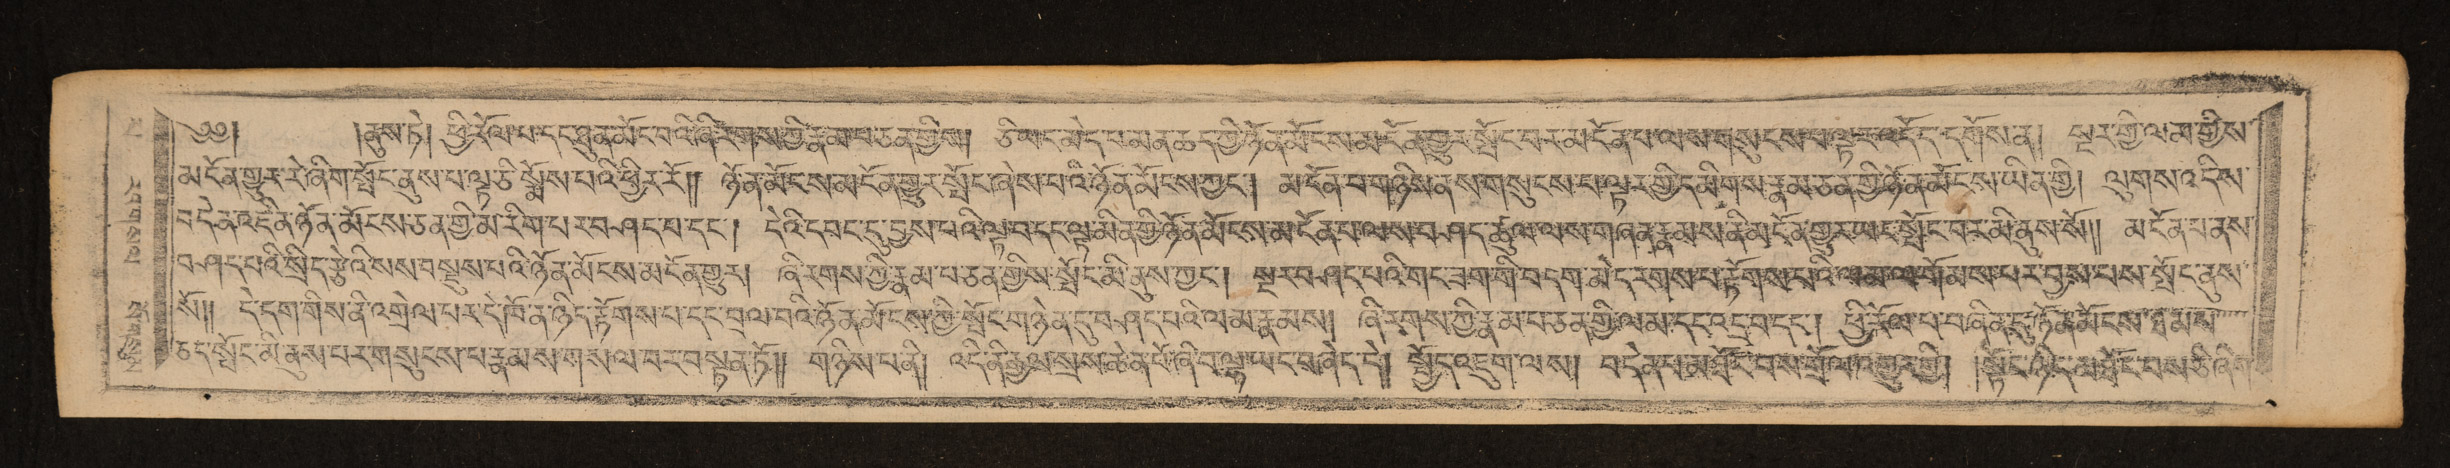༄༅། །ནུས་ཏེ། ཕྱི་རོལ་པ་དང་ཐུན་མོང་བའི་ཞི་རགས་ཀྱི་རྣམ་པ་ཅན་གྱིས། ཅི་ཡང་མེད་པ་མན་ཆད་ཀྱི་ཉོན་མོངས་མངོན་གྱུར་སྤོང་བར་མངོན་པ་ལས་གསུངས་པ་ལྟར་འདོད་དགོས་ན། སྔར་གྱི་ལམ་གྱིས་
མངོན་གྱུར་རེ་ཞིག་སྤོང་ནུས་པ་ལྟ་ཅི་སྨོས་པའི་ཕྱིར་རོ།། ཉོན་མོངས་མངོན་གྱུར་སྤོང་ཞེས་པའི་ཉོན་མོངས་ཀྱང་། མངོན་པ་གཉིས་ནས་གསུངས་པ་ལྟར་གྱི་དམིགས་རྣམ་ཅན་གྱི་ཉོན་མོངས་ཡིན་གྱི། ལུགས་འདིས་
བདེན་འཛིན་ཉོན་མོངས་ཅན་གྱི་མ་རིག་པར་བཤད་པ་དང་། དེའི་དབང་དུ་བྱས་པའི་ལྟ་བ་དང་ལྟ་མིན་གྱི་ཉོན་མོངས་མངོན་པ་ལས་བཤད་ཚུལ་ལས་གཞན་རྣམས་ནི་མངོན་གྱུར་ཡང་སྤོང་བར་མི་ནུས་སོ།། མངོན་པ་ནས་
བཤད་པའི་སྲིད་རྩེའི་སས་བསྡུས་པའི་ཉོན་མོངས་མངོན་གྱུར། ཞི་རགས་ཀྱི་རྣམ་པ་ཅན་གྱིས་སྤོང་མི་ནུས་ཀྱང་། སྔར་བཤད་པའི་གང་ཟག་གི་བདག་མེད་རགས་པ་རྟོགས་པའི་ལམ་ལ་གོམས་པར་བྱས་པས་སྤོང་ནུས་
སོ།། དེ་དག་གིས་ནི་འགྲེལ་པར་དེ་ཁོ་ན་ཉིད་རྟོགས་པ་དང་བྲལ་བའི་ཉོན་མོངས་ཀྱི་སྤོང་གཉེན་དུ་བཤད་པའི་ལམ་རྣམས། ཞི་རགས་ཀྱི་རྣམ་པ་ཅན་གྱི་ལམ་དང་འདྲ་བ་དང་། ཕྱི་རོལ་པ་བཞིན་དུ་ཉོན་མོངས་ཐམས་
ཅད་སྤོང་མི་ནུས་པར་གསུངས་པ་རྣམས་གསལ་བར་བསྟན་ཏོ།། གཉིས་པ་ནི། འདི་ནི་རྒྱལ་སྲས་ཆེན་པོ་ཞི་བ་ལྷ་ཡང་བཞེད་དེ། སྤྱོད་འཇུག་ལས། བདེན་པ་མཐོང་བས་གྲོལ་འགྱུར་གྱི། །སྟོང་ཉིད་མཐོང་བས་ཅི་ཞིག་